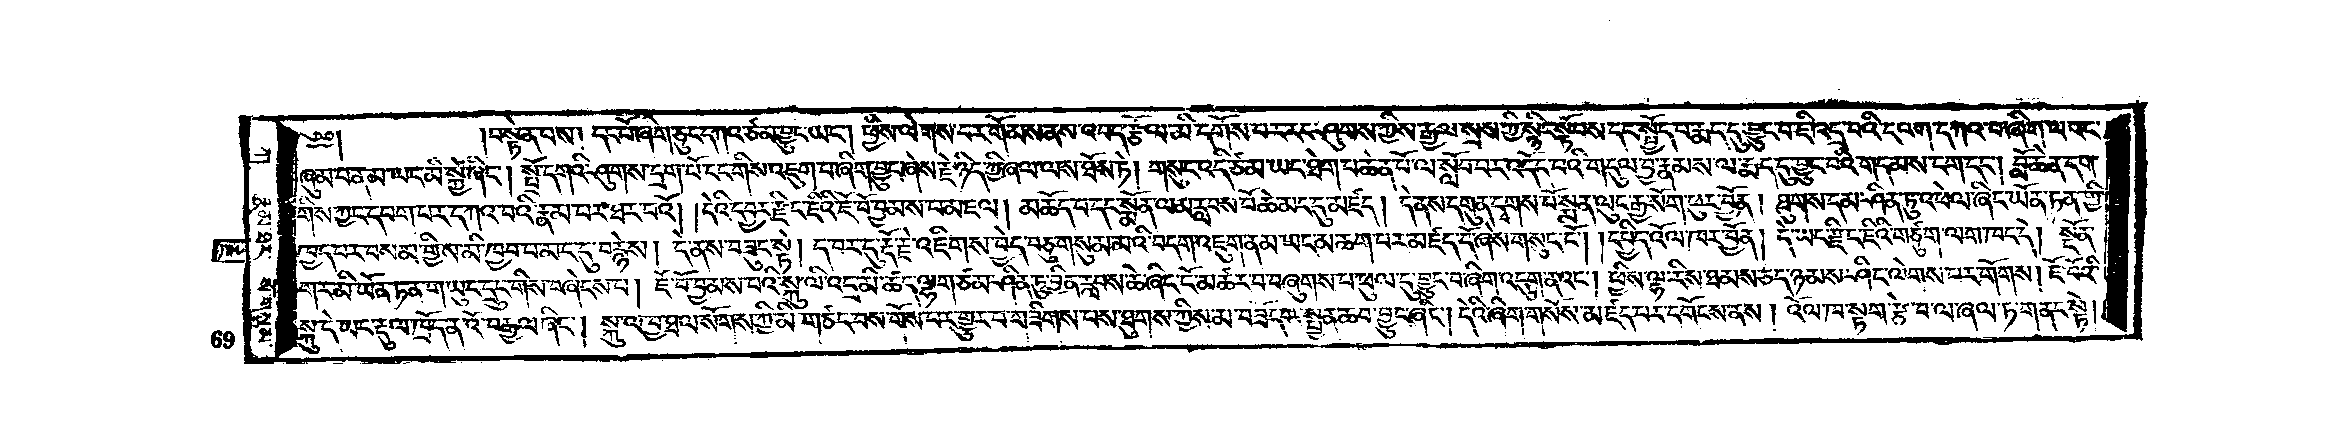༄༅། །བསྟེན་པས། དང་པོ་ཞིག་ཅུང་དཀའ་ཙམ་བྱུང་ཡང་། ཕྱིས་ལེགས་པར་གོམས་ནས་འབད་རྩོལ་མི་དགོས་པར་རང་ཤུགས་ཀྱིས་རྒྱལ་སྲས་ཀྱི་སྙིང་སྟོབས་དང་སྤྱོད་པ་རྨད་དུ་བྱུང་བ་ཇི་འདྲ་བའི་དཔག་དཀའ་བ་ཞིག་ལའང་
ཞུམ་པ་ནམ་ཡང་མི་སྐྱེ་ཞིང་། སྤྲོ་དགའི་ཤུགས་དྲག་པོ་ངང་གིས་འཇུག་པ་ཞིག་བྱུང་ཞེས་རྗེ་ཉིད་ཀྱི་ཞལ་ལས་ཐོས་ཏེ། གསུང་འདི་ཙམ་ཡང་ཐེག་པ་ཆེན་པོ་ལ་སློབ་པར་འདོད་པའི་གདུལ་བྱ་རྣམས་ལ་རྨད་དུ་བྱུང་བའི་གདམས་ངག་དང་། བློ་ཆེན་དག་
གིས་ཀྱང་དཔག་པར་དཀའ་བའི་རྣམ་པར་ཐར་པའོ། །དེའི་དབྱར་རྫིང་ཇིའི་ཇོ་བོ་བྱམས་པ་མ་ཇལ། མཆོད་པ་དང་སྨོན་ལམ་རླབས་པོ་ཆེ་མང་དུ་མཛད། དེ་ནས་དགུན་དྭགས་པོ་སྨན་ལུང་རྒྱ་སོག་ཕུར་བྱོན། ཐུགས་དམ་ཤིན་ཏུ་འཕེལ་ཞིང་ཡོན་ཏན་གྱི་
ཁྱད་པར་བསམ་གྱིས་མི་ཁྱབ་པ་མང་དུ་བརྙེས། དེ་ནས་བཟུང་སྟེ། ད་བར་དུ་རྡོ་རྗེ་འཇིགས་བྱེད་བཅུ་གསུམ་མའི་བདག་འཇུག་ནམ་ཡང་མ་ཆག་པར་མཛད་དོ་ཞེས་གསུང་ངོ། །དཔྱིད་འོལ་ཁར་བྱོན། དེ་ཡང་རྫི་ང་ཇིའི་གཙུག་ལག་ཁང་དེ། སྔོན་
གར་མི་ཡོན་ཏན་གཡུང་དྲུང་གིས་བཞེངས་པ། ཇོ་བོ་བྱམས་པའི་སྐུ་ལི་འདྲ་མི་ཚད་ལྷག་ཙམ་ཤིན་ཏུ་བྱིན་རླབས་ཆེ་ཞིང་ངོ་མཚར་བ་བཞུགས་པ་ཕུལ་དུ་བྱུང་བ་ཞིག་འདུག་ནའང་། ཕྱིས་ལྷ་རིས་ཐམས་ཅད་ཉམས་ཤིང་ལེགས་པར་གོགས། ཇོ་བོའི་
སྐུ་དེ་ཡང་རྡུལ་ཁྲོད་ན་འོ་བརྒྱལ་ཞིང་། སྐུ་ལ་བྱ་ཐལ་སོགས་ཀྱི་མི་གཙང་བས་གོས་པར་གྱུར་བ་གཟིགས་པས་ཐུགས་ཀྱིས་མ་བཟོད་པར་སྤྱན་ཆབ་བྱུང་ཞིང་། དེའི་ཞིག་གསོས་མཛད་པར་དགོངས་ནས། འོལ་ཁ་སྟག་རྩེ་བ་ལ་ཞལ་ཏ་གནང་སྟེ།